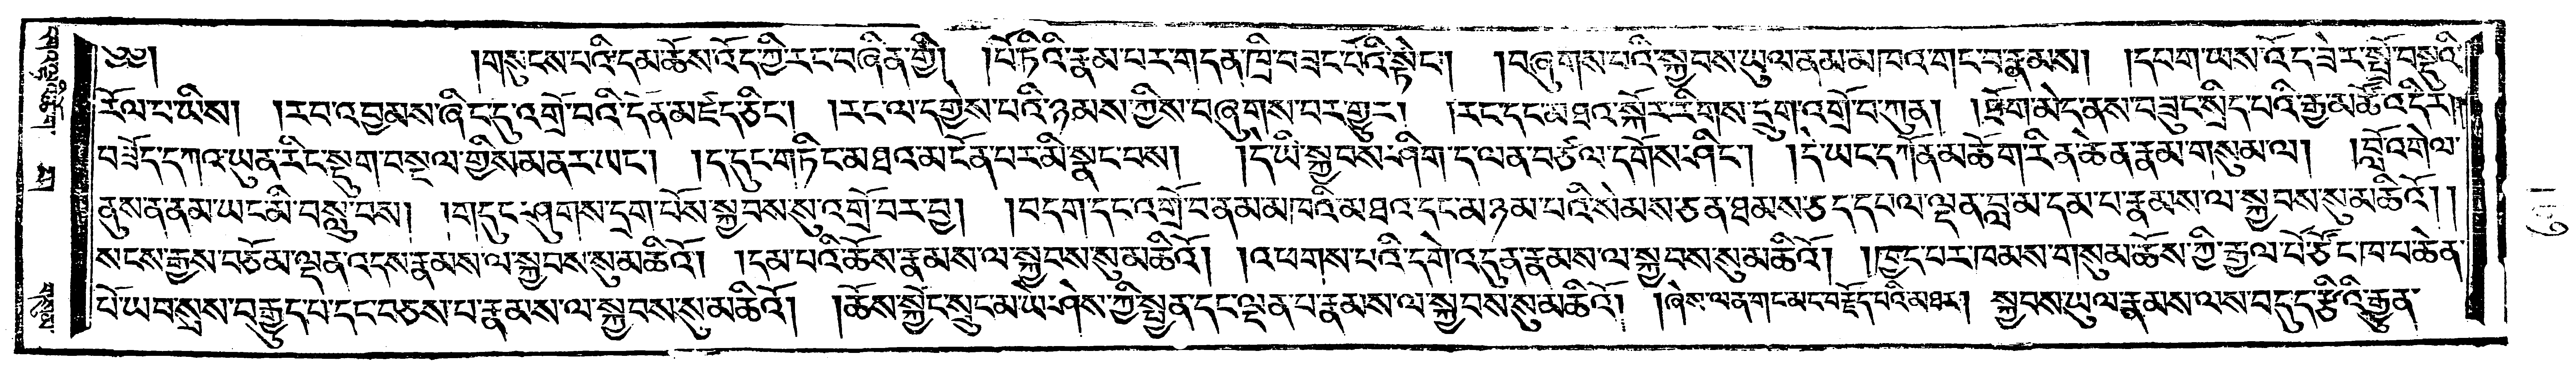༄༅། །གསུངས་པའི་དམ་ཆོས་འོད་ཀྱི་རང་བཞིན་གྱི། །བོ་ཏིའི་རྣམ་པར་གདན་ཁྲི་བཟང་པོའི་སྟེང་། །བཞུགས་པའི་སྐྱབས་ཡུལ་ནམ་མཁའ་གང་བ་རྣམས། །དཔག་ཡས་འོད་ཟེར་སྤྲོ་བསྡུར་
རོལ་པ་ཡིས། །རབ་འབྱམས་ཞིང་དུ་འགྲོ་བའི་དོན་མཛད་ཅིང་། །རང་ལ་དགྱེས་པའི་ཉམས་ཀྱིས་བཞུགས་པར་གྱུར། །རང་དང་མཐའ་སྐོར་རིགས་དྲུག་འགྲོ་པ་ཀུན། །ཐོག་མེད་ནས་བཟུང་སྲིད་པའི་རྒྱ་མཚོ་འདིར། །
བཟོད་དཀའ་ཡུན་རིང་སྡུག་བསྔལ་གྱིས་མནར་ཡང་། །ད་དུང་གཏིང་མཐའ་མངོན་པར་མི་སྣང་བས། །དེ་ཡི་སྐྱབས་ཤིག་ད་ལན་བཙལ་དགོས་ཤིང་། །དེ་ཡང་དཀོན་མཆོག་རིན་ཆེན་རྣམ་གསུམ་ལ། །བློ་འགེལ་
ནུས་ན་ནམ་ཡང་མི་བསླུ་བས། །གདུང་ཤུགས་དྲག་པོས་སྐྱབས་སུ་འགྲོ་བར་བྱ། །བདག་དང་འགྲོ་བ་ནམ་མཁའི་མཐའ་དང་མཉམ་པའི་སེམས་ཅན་ཐམས་ཅད་དཔལ་ལྡན་བླ་མ་དམ་པ་རྣམས་ལ་སྐྱབས་སུ་མཆིའོ། །
སངས་རྒྱས་བཅོམ་ལྡན་འདས་རྣམས་ལ་སྐྱབས་སུ་མཆིའོ། །དམ་པའི་ཆོས་རྣམས་ལ་སྐྱབས་སུ་མཆིའོ། །འཕགས་པའི་དགེ་འདུན་རྣམས་ལ་སྐྱབས་སུ་མཆིའོ། །ཁྱད་པར་ཁམས་གསུམ་ཆོས་ཀྱི་རྒྱལ་པོ་ཙོང་ཁ་པ་ཆེན་
པོ་ཡབ་སྲས་བརྒྱུད་པ་དང་བཅས་པ་རྣམས་ལ་སྐྱབས་སུ་མཆིའོ། །ཆོས་སྐྱོང་སྲུང་མ་ཡེ་ཤེས་ཀྱི་སྤྱན་དང་ལྡན་པ་རྣམས་ལ་སྐྱབས་སུ་མཆིའོ། །ཞེས་ལན་གང་མང་བརྗོད་པའི་མཐར།  སྐྱབས་ཡུལ་རྣམས་ལས་བདུད་རྩིའི་རྒྱུན་